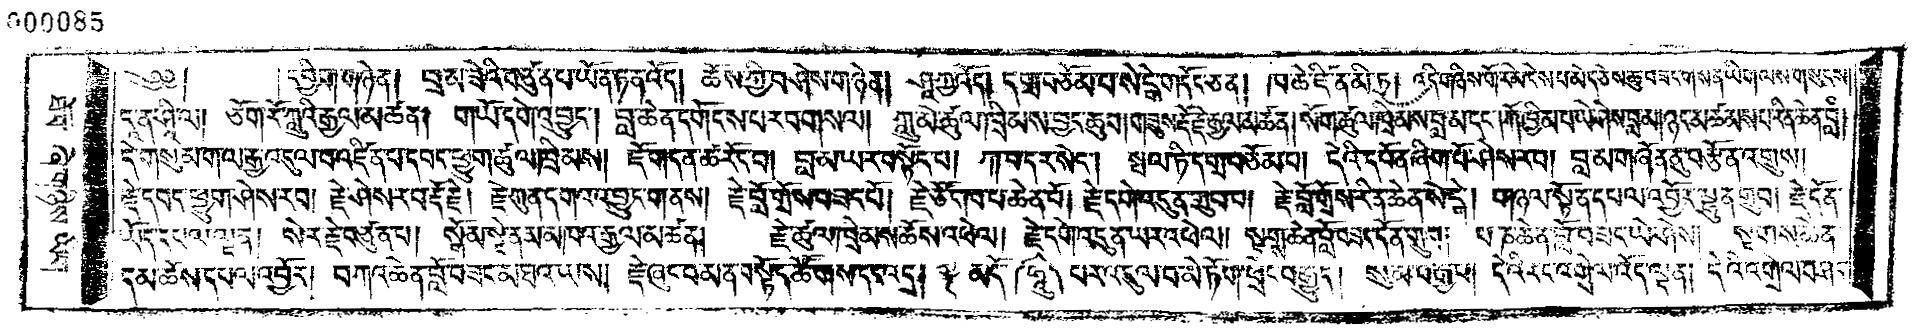༄༅། །དབྱིག་གཉེན། བྲམ་ཟེའི་བཙུན་པ་ཡོན་ཏན་འོད། ཆོས་ཀྱི་བཤེས་གཉེན། ཤཱཀྱ་འོད། དགྲ་བཅོམ་པ་སེངྒེ་གདོང་ཅན། ཁ་ཆེ་ཛི་ན་མི་འདི་གཉིས་གོ་རིམ་ངེས་པ་མེད་ཅེས་ཆུ་བཟང་གསན་ཡིག་ལས་གསུངས།  ཏ།
དཱ་ན་ཤཱི་ལ། ཅོག་རོ་ཀླུའི་རྒྱལ་མཚན། གཡོ་དགེ་འབྱུང་། བླ་ཆེན་དགོངས་པ་རབ་གསལ། ཀླུ་མེ་ཚུལ་ཁྲིམས་བྱང་ཆུབ་།གཟུས་རྡོ་རྗེ་རྒྱལ་མཚན། སོག་ཚུལ་ཁྲིམས་བླ་མ་དང་།ཀོ་ཁྱིམ་པ་ཡེ་ཤེས་བླ་མ། ཉང་མཚམས་པ་རིན་ཆེན་བླཾ།
དེ་གསུམ་ག་ལ་རྒྱལ་འདུལ་བ་འཛིན་པ་དབང་ཕྱུག་ཚུལ་ཁྲིམས། ཇོ་གདན་ཚ་རོང་བ། བླ་མ་ཡར་བསྟོད་པ། ཀ་བ་དར་སེང་། སྤལ་ཏི་དགྲ་བཅོམ་པ། དེའི་དཔོན་ཞིག་པོ་ཤེས་རབ། བླ་མ་གཞོན་ནུ་བརྩོན་འགྲུས།
རྗེ་དབང་ཕྱུག་ཤེས་རབ། རྗེ་ཤེས་རབ་རྡོ་རྗེ། རྗེ་ཀུན་དགའ་འབྱུང་གནས། རྗེ་བློ་གྲོས་བཟང་པོ། རྗེ་ཙོང་ཁ་པ་ཆེན་པོ། རྗེ་དགེ་འདུན་གྲུབ་པ། རྗེ་བློ་གྲོས་རིན་ཆེན་སེངྒེ། གཉལ་སྟོན་དཔལ་འབྱོར་ལྷུན་གྲུབ། རྗེ་དོན་
ཡོད་དཔལ་ལྡན། སེར་རྗེ་བཙུན་པ། སྒོམ་སྡེ་ནམ་མཁའ་རྒྱལ་མཚན། རྗེ་ཚུལ་ཁྲིམས་ཆོས་འཕེལ། རྗེ་དགེ་འདུན་ཡར་འཕེལ། སྔགས་ཆེན་བློ་བཟང་དོན་གྲུབ། པཎ་ཆེན་བློ་བཟང་ཡེ་ཤེས། སྔགས་ཆེན་
དམ་ཆོས་དཔལ་འབྱོར། བཀའ་ཆེན་བློ་བཟང་མཐའ་ཡས། རྗེ་ཞུང་བ་མན་བསྟོད་ཚོགས་དང་འདྲ། ༈ མདོ ༼ཧཱུ༽ པར་འདུལ་བ་མེ་ཏོག་ཕྲེང་བརྒྱུད། སུམ་བརྒྱ་པ། དེའི་རང་འགྲེལ་འོད་ལྡན། དེའི་འགྲེལ་བཤད་